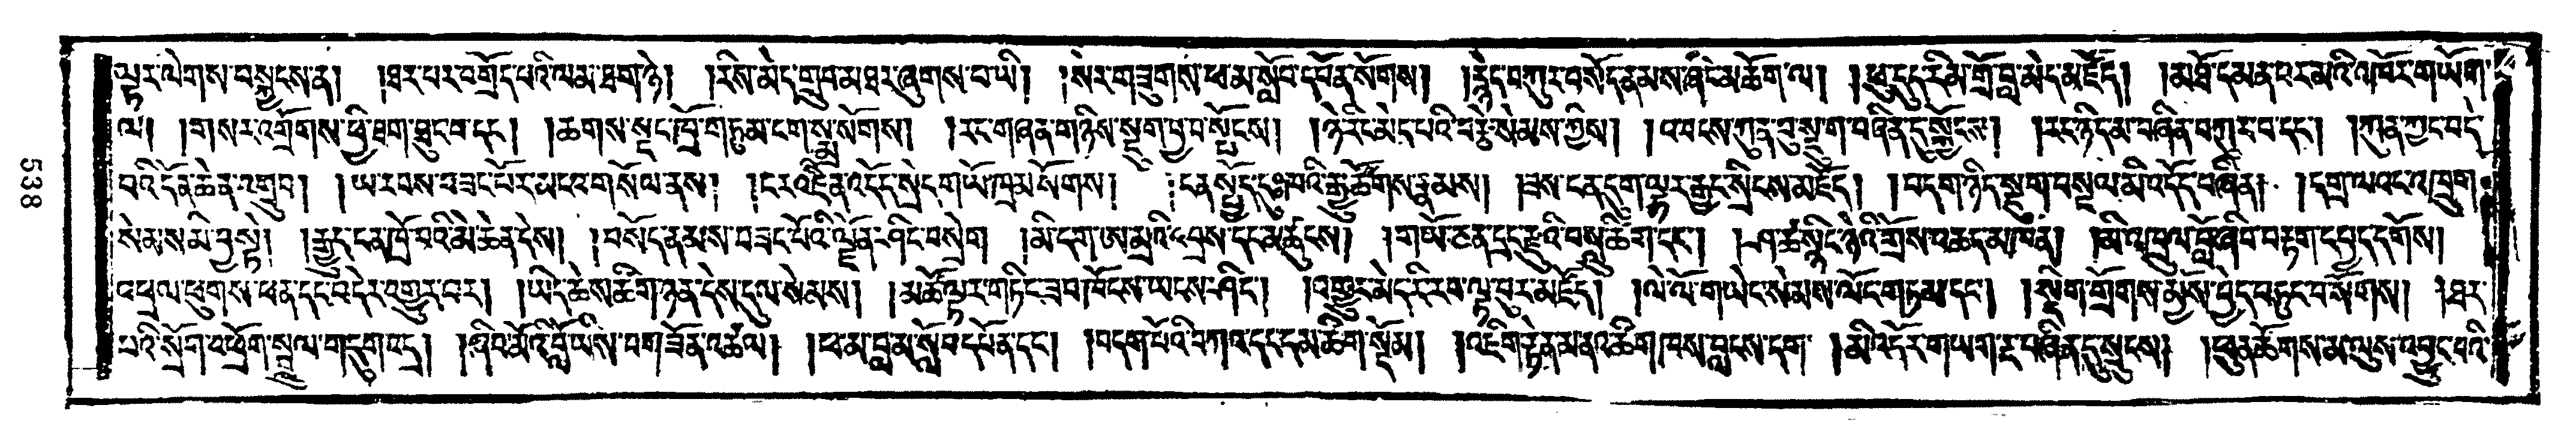ལྟར་ལེགས་བསྐྱངས་ན། །ཐར་པར་བགྲོད་པའི་ལམ་ཐག་ཉེ། །རིས་མེད་གྲུབ་མཐར་ཞུགས་པ་ཡི། །སེར་གཟུགས་ཕ་མ་སློབ་དཔོན་སོགས། །རྙེད་བཀུར་བསོད་ནམས་ཞིང་མཆོག་ལ། །ཕུ་དུད་རིམ་གྲོ་བླ་མེད་མཛོད། །མཐོ་དམན་པར་མའི་འཁོར་གཡོག་
ལ། །གསར་འགྲོགས་ཕྱི་ཐག་ཐུང་བ་དང་། །ཆགས་སྡང་ཁྲོ་གཏུམ་ངག་སྨྲ་སོགས། །རང་གཞན་གཉིས་སྡུག་བྱ་བ་སྤོངས། །ཉེ་རིང་མེད་པའི་བརྩེ་སེམས་ཀྱིས། །འབངས་ཀུན་བུ་སྡུག་བཞིན་དུ་སྐྱོངས། །རང་ཉིད་མ་བཞིན་བཀུར་བ་དང་། །ཀུན་ཀྱང་བདེ་
བའི་དོན་ཆེན་འགྲུབ། །ཡ་རབས་བཟང་པོར་མངའ་གསོལ་ནས། །ངར་འཛིན་འདོད་སྲེད་གཡོ་ཁྲམ་སོགས། །ངན་སྤྱོད་དུཿ ཁའི་རྒྱུ་ཚོགས་རྣམས། །ཟས་ངན་དྲུག་ལྟར་རྒྱང་སྲིངས་མཛོད། །བདག་ཉིད་སྡུག་བསྔལ་མི་འདོད་བཞིན། །དགྲ་ལའང་འཁྲུག་
སེམས་མི་བྱ་སྟེ། །རྒྱུད་ངན་ཁྲོ་བའི་མེ་ཆེན་དེས། །བསོད་ནམས་བཟང་པོའི་ལྗོན་ཤིང་བསྲེག །མི་དག་ཨ་མྲའི་འབྲས་དང་མཚུངས། །གཡོ་ཅན་དྲང་རྫུའི་བསླུ་ཚིག་དང་། །ཤ་ཚ་སྙིང་ཉེའི་གྲོས་འཆད་མཁན། །མི་འཁྲུལ་བློ་ཞིབ་བརྟག་དཔྱད་དགོས། །
འཕྲལ་ཕུགས་ཕན་དང་བདེར་འགྱུར་བར། །ཡིད་ཆེས་ཚིག་ཉན་དེས་དུལ་སེམས། །མཚོ་ལྟར་གཏིང་ཟབ་ཁོངས་ཡངས་ཤིང་། །འགྱུར་མེད་རི་རབ་ལྟ་བུར་མཛོད། །ལེ་ལོ་གཡེང་སེམས་ལོང་གཏམ་དང་། །སྡིག་གྲོགས་མྱོས་བྱེད་བཏུང་བ་སོགས། །ཐར་
པའི་སྲོག་འཕྲོག་སྦྲུལ་གདུག་འདྲ། །ཞིབ་མོའི་བློ་ཡིས་བག་ཟོན་འཚལ། །ཕ་མ་བླ་མ་སློབ་དཔོན་དང་། །བདག་པོའི་བཀའ་དང་དམ་ཚིག་སྡོམ། །འཇིག་རྟེན་མ་ནའ་ཚིག་ཁས་བླངས་དག །མི་འདོར་གཡག་རྔ་བཞིན་དུ་སྲུངས། །ཕུན་ཚོགས་མ་ལུས་འབྱུང་བའི་